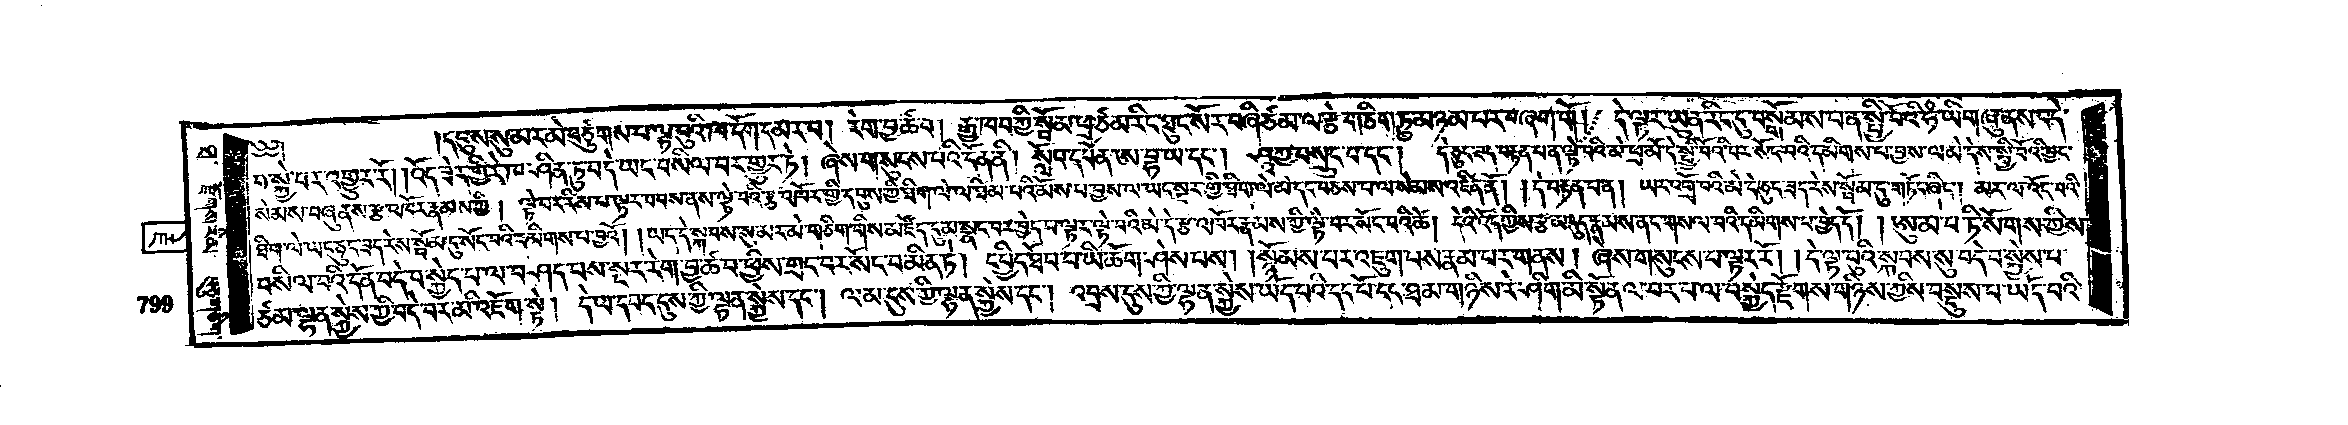༄༅། །དབུས་སུ་མར་མེ་བཙུགས་པ་ལྟ་བུའི་ཁ་དོག་དམར་བ། རེག་བྱ་ཚ་བ། རྒྱ་ཁབ་ཀྱི་སྦོམ་ཕྲ་ཙམ་རིང་ཐུང་སོར་བཞི་ཙམ་ལ་རྩེ་གཅིག་ཏུ་མཉམ་པར་བཞག་གོ །དེ་ལྟར་ཡུན་རིང་དུ་བསྒོམས་པ་ན་སྤྱི་བོའི་ཧཾ་ཡིག་ཞུ་ནས་བདེ་
བ་སྐྱེ་བར་འགྱུར་རོ། །འོད་ཟེར་གྱི་རེ་ཁ་ཤིན་ཏུ་བདེ་ཡང་བསིལ་བར་གྱུར་ཏེ། ཞེས་གསུངས་པའི་དོན་ནི། སློབ་དཔོན་ཨ་བྷ་ཡ་དང་། ཤཱཀྱ་བསྲུང་བ་དང་། དེ་ཅུང་ཟད་བརྟན་པ་ན་ལྟེ་བའི་མེ་ཕྲ་མོ་དེ་སྤྱི་བོའི་བར་སོང་བའི་དམིགས་པ་བྱས་ལ་མེ་དེས་སྤྱི་བོའི་བྱང་
སེམས་བཞུ་ནས་རྩ་འཁོར་རྣམས་ཀྱི། ལྟེ་བར་རིམ་པ་ལྟར་བབས་ནས་ལྟེ་བའི་རྩ་འཁོར་གྱི་དབུས་ཀྱི་ཐིག་ལེ་ལ་ཐིམ་པའི་མོས་པ་བྱས་ལ་ཡང་སྔར་གྱི་ཐིག་ལེ་མེ་དང་བཅས་པ་ལ་སེམས་འཛིན་ནོ། །དེ་བརྟན་པ་ན། ཡར་འགྲོ་བའི་མེ་དེ་ཅུང་ཟད་རེས་སྦོམ་དུ་གཏོང་ཞིང་། མར་ལ་འོང་བའི་
ཐིག་ལེ་ཡང་ཅུང་ཟད་རེས་སྦོམ་དུ་སོང་བའི་དམིགས་པ་བྱའོ། །ཡང་དེ་སྐབས་སུ་མར་མེ་གཅིག་གིས་མཛོད་དུ་མ་སྣང་བར་བྱེད་པ་ལྟར་ལྟེ་བའི་མེ་དེ་རྩ་འཁོར་རྣམས་ཀྱི་ལྟེ་བར་སོང་བའི་ཚེ། དེའི་འོད་ཀྱིས་རྩ་མདུད་རྣམས་ནང་གསལ་བའི་དམིགས་པ་བྱེད་དོ། །ཨུ་མ་པ་ཏི་སོགས་ཀྱིས་
བསིལ་བའི་དོན་བདེ་བ་སྐྱེད་པ་ལ་བཤད་པས་སྔར་རེག་བྱ་ཚ་བ་ཕྱིས་གྲང་བར་སོང་བ་མིན་ཏེ། དཔྱིད་ཐོབ་པ་ཡི་ཆོག་ཤེས་པས། །སྙོམས་པར་འཇུག་པས་རྣམ་པར་གནས། ཞེས་གསུངས་པ་ལྟར་རོ། །དེ་ལྟ་བུའི་སྐབས་སུ་བདེ་བ་སྐྱེས་པ་
ཙམ་ལྷན་སྐྱེས་ཀྱི་བདེ་བར་མི་འཇོག་སྟེ། དེ་ལ་དབང་དུས་ཀྱི་ལྷན་སྐྱེས་དང་། ལམ་དུས་ཀྱི་ལྷན་སྐྱེས་དང་། འབྲས་དུས་ཀྱི་ལྷན་སྐྱེས་ཡོད་པའི་དང་པོ་དང་ཐ་མ་གཉིས་རེ་ཤིག་མི་སྟོན་ལ་བར་པ་ལ་བསྐྱེད་རྫོགས་གཉིས་ཀྱིས་བསྡུས་པ་ཡོད་པའི་